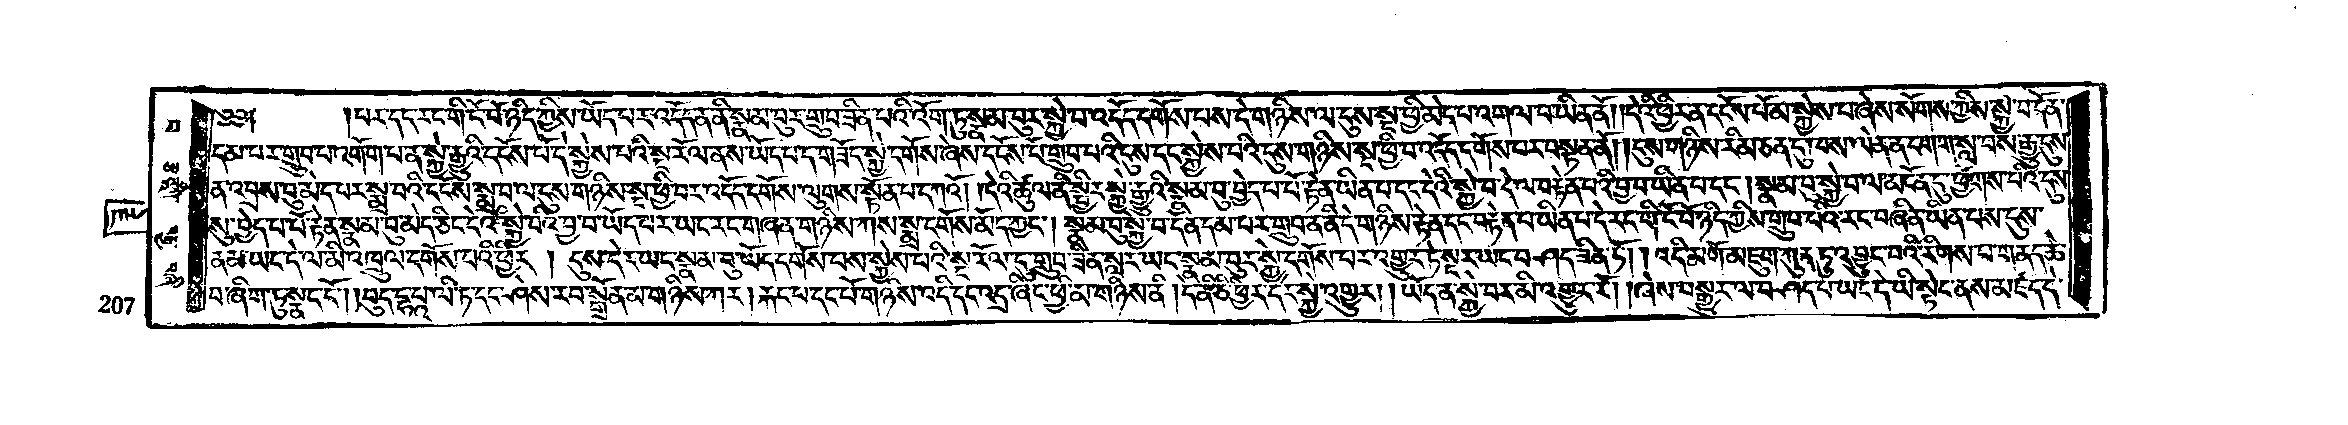༄༅། །པར་དང་རང་གི་ངོ་བོ་ཉིད་ཀྱིས་ཡོད་པར་འདོད་ན་ནི་སྣམ་བུར་གྲུབ་ཟིན་པའི་འོག་ཏུ་སྣམ་བུར་སྐྱེ་བ་འདོད་དགོས་པས་དེ་གཉིས་ལ་དུས་སྔ་ཕྱི་མེད་པ་འགལ་བ་ཡིན་ནོ། །དེའི་ཕྱིར་ན་དངོས་པོ་མ་སྐྱེས་པ་ཞེས་སོགས་ཀྱིས་སྐྱེ་བ་དོན་
དམ་པར་གྲུབ་པ་འགོག་པ་ན་སྐྱེ་རྒྱུའི་དངོས་པོ་དེ་སྐྱེས་པའི་སྔ་རོལ་ནས་ཡོད་པ་ད་གཟོད་སྐྱེ་དགོས་ཞེས་དངོས་པོ་གྲུབ་པའི་དུས་དང་སྐྱེས་པའི་དུས་གཉིས་སྔ་ཕྱི་བ་འདོད་དགོས་པར་བསྟན་ནོ། །དུས་གཉིས་རིམ་ཅན་དུ་ཁས་ལེན་ན་དགག་སླ་བས་རྒྱུ་དུས་
ན་འབྲས་བུ་མེད་པར་སྨྲ་བའི་དངོས་སྨྲ་བ་ལ་དུས་གཉིས་སྔ་ཕྱི་བར་འདོད་དགོས་ལུགས་སྟོན་པ་དཀའོ། །དེའི་ཚུལ་ནི་སྦྱིར་སྐྱེ་རྒྱུའི་སྣམ་བུ་བྱེད་པ་པོ་རྟེན་ཡིན་པ་དང་དེའི་སྐྱེ་བ་དེ་ལ་བརྟེན་པའི་བྱ་བ་ཡིན་པ་དང་། སྣམ་བུ་སྐྱེ་བ་ལ་མངོན་དུ་ཕྱོགས་པའི་དུས་
སུ་བྱེད་པ་པོ་རྟེན་སྣམ་བུ་མེད་ཅིང་དེའི་སྐྱེ་བའི་བྱ་བ་ཡོད་པར་ཡང་རང་གཞན་གཉིས་ཀས་སྨྲ་དགོས་མོད་ཀྱང་། སྣམ་བུ་སྐྱེ་བ་དོན་དམ་པར་གྲུབ་ན་ནི་དེ་གཉིས་རྟེན་དང་བརྟེན་པ་ཡིན་པ་དེ་རང་གི་ངོ་བོ་ཉིད་ཀྱིས་གྲུབ་པའི་རང་བཞིན་ཡིན་པས་དུས་
ནམ་ཡང་དེ་ལ་མི་འཁྲུལ་དགོས་པའི་ཕྱིར་།དུས་དེར་ཡང་སྣམ་བུ་ཡོད་དགོས་པས་སྐྱེས་པའི་སྔ་རོལ་དུ་གྲུབ་ཟིན་སླར་ཡང་སྣམ་བུར་སྐྱེ་དགོས་པར་འགྱུར་ཏེ་སྔར་ཡང་བཤད་ཟིན་ཏོ། །འདི་མགོ་མཇུག་ཀུན་ཏུ་འབྱུང་བའི་རིགས་པ་གནད་ཆེ་
བ་ཞིག་ཏུ་སྣང་ངོ། །བུད་དྷ་པཱ་ལི་ཏ་དང་ཤེས་རབ་སྒྲོན་མ་གཉིས་ཀར། རྐང་པ་དང་པོ་གཉིས་འདི་དང་འདྲ་ཞིང་ཕྱི་མ་གཉིས་ནི། དེ་ནི་ཅི་ཕྱིར་དེར་སྐྱེ་འགྱུར། །ཡོད་ན་སྐྱེ་བར་མི་འགྱུར་རོ། །ཞེས་བསྒྱུར་ལ་བཤད་པ་ཡང་དེ་ཡི་སྟེང་ནས་མཛད་དེ་